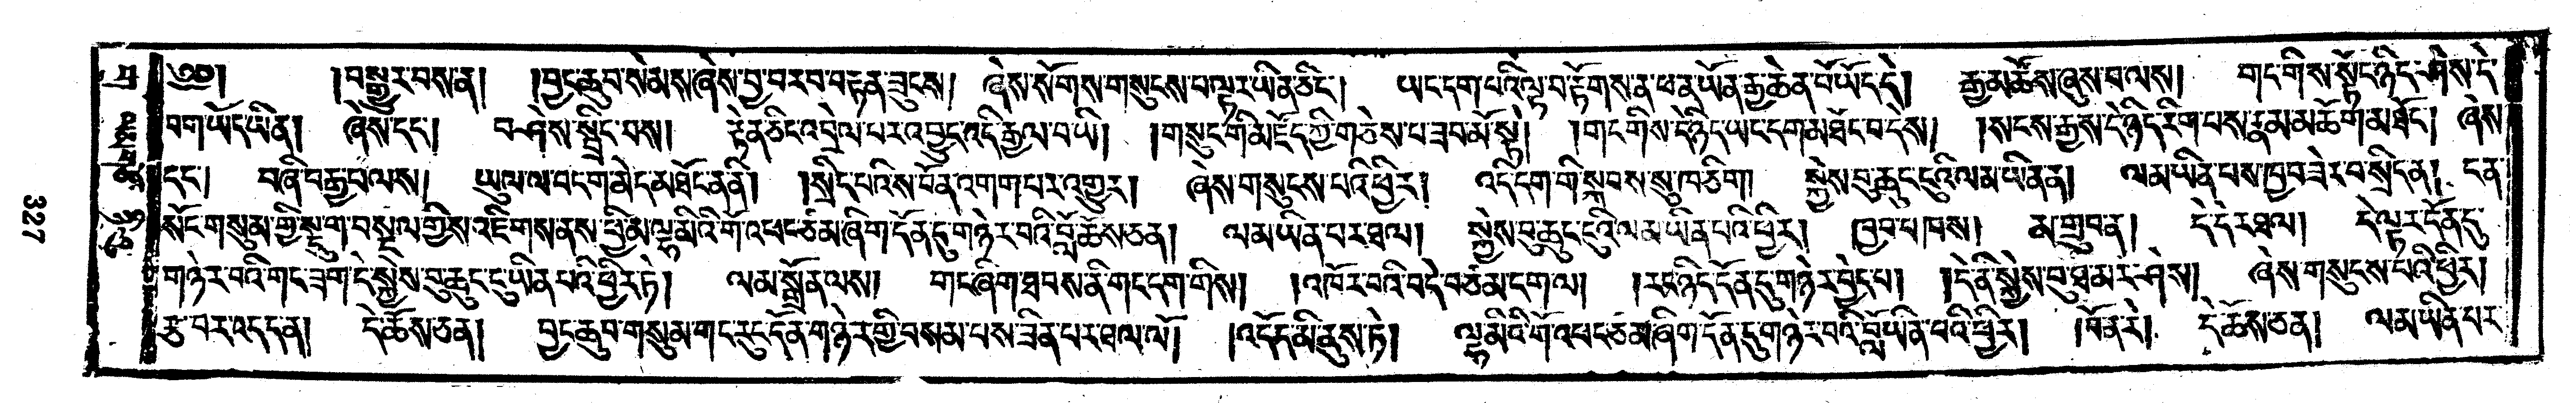༄༅། །བསྒྱུར་བས་ན། །བྱང་ཆུབ་སེམས་ཞེས་བྱ་བ་རབ་བརྟན་ཟུངས། ཞེས་སོགས་གསུངས་བལྟར་ཡིན་ཅིང་། ཡང་དག་པའི་ལྟ་བ་རྟོགས་ན་ཕན་ཡོན་རྒྱ་ཆེན་པོ་ཡོད་དེ། རྒྱ་མཚོས་ཞུས་བ་ལས། གང་གི་ས་སྟོང་ཉིད་ཤེས་དེ་
བག་ཡོད་ཡིན། ཞེས་དང་། བཤེས་སྦྲིང་བས། རྟེན་ཅིང་འབྲེལ་པར་འབྱུང་འདི་རྒྱལ་བ་ཡི། །གསུང་གི་མཛོད་ཀྱི་གཅེས་པ་ཟབ་མོ་སྟེ། །གང་གིས་དེ་ཉིད་ཡང་དག་མཐོང་བ་དེས། །སངས་རྒྱས་དེ་ཉིད་རིག་པས་རྣམ་མཆོག་མཐོང་། ཞེས་
དང་། བཞི་བརྒྱ་པ་ལས། ཡུལ་ལ་བདག་མེད་མཐོང་ན་ནི། །སྲིད་པའི་ས་བོན་འགག་པར་འགྱུར། ཞེས་གསུངས་པའི་ཕྱིར། འདི་དག་གི་སྐབས་སུ་ཁ་ཅིག། སྐྱེས་བུ་ཆུང་དུའི་ལམ་ཡིན་ན། ལམ་ཡིན་པས་ཁྱབ་ཟེར་བ་སྲིད་ན། ངན་
སོང་གསུམ་གྱི་སྡུག་བསྔལ་གྱིས་འཇིགས་ནས་ཕྱི་མ་ལྷ་མིའི་གོ་འཕང་ཙམ་ཞིག་དོན་དུ་གཉེར་བའི་བློ་ཆོས་ཅན། ལམ་ཡིན་པར་ཐལ། སྐྱེས་བུ་ཆུང་ངུའི་ལམ་ཡིན་པའི་ཕྱིར། ཁྱབ་པ་ཁས། མ་གྲུབ་ན། དེ་དེར་ཐལ། དེ་ལྟར་དོན་དུ་
གཉེར་བའི་གང་ཟག་དེ་སྐྱེས་བུ་ཆུང་དུ་ཡིན་པའི་ཕྱིར་ཏེ། ལམ་སྒྲོན་ལས། གང་ཞིག་ཐབས་ནི་གང་དག་གིས། །འཁོར་བའི་བདེ་བཙམ་དག་ལ། །རང་ཉིད་དོན་དུ་གཉེར་བྱེད་པ། །དེ་ནི་སྐྱེས་བུ་ཐ་མར་ཤེས། ཞེས་གསུངས་པའི་ཕྱིར།
རྩ་བར་འདད་ན། དེ་ཆོས་ཅན། བྱང་ཆུབ་གསུམ་གང་རུང་དོན་གཉེར་གྱི་བསམ་པས་ཟིན་པར་ཐལ་ལོ། །འདོད་མི་ནུས་ཏེ། ལྷ་མིའི་གོ་འཕང་ཙམ་ཞིག་དོན་དུ་གཉེར་བའི་བློ་ཡིན་པའི་ཕྱིར། །བོ་ན་རེ། དེ་ཆོས་ཅན། ལམ་ཡིན་པར་